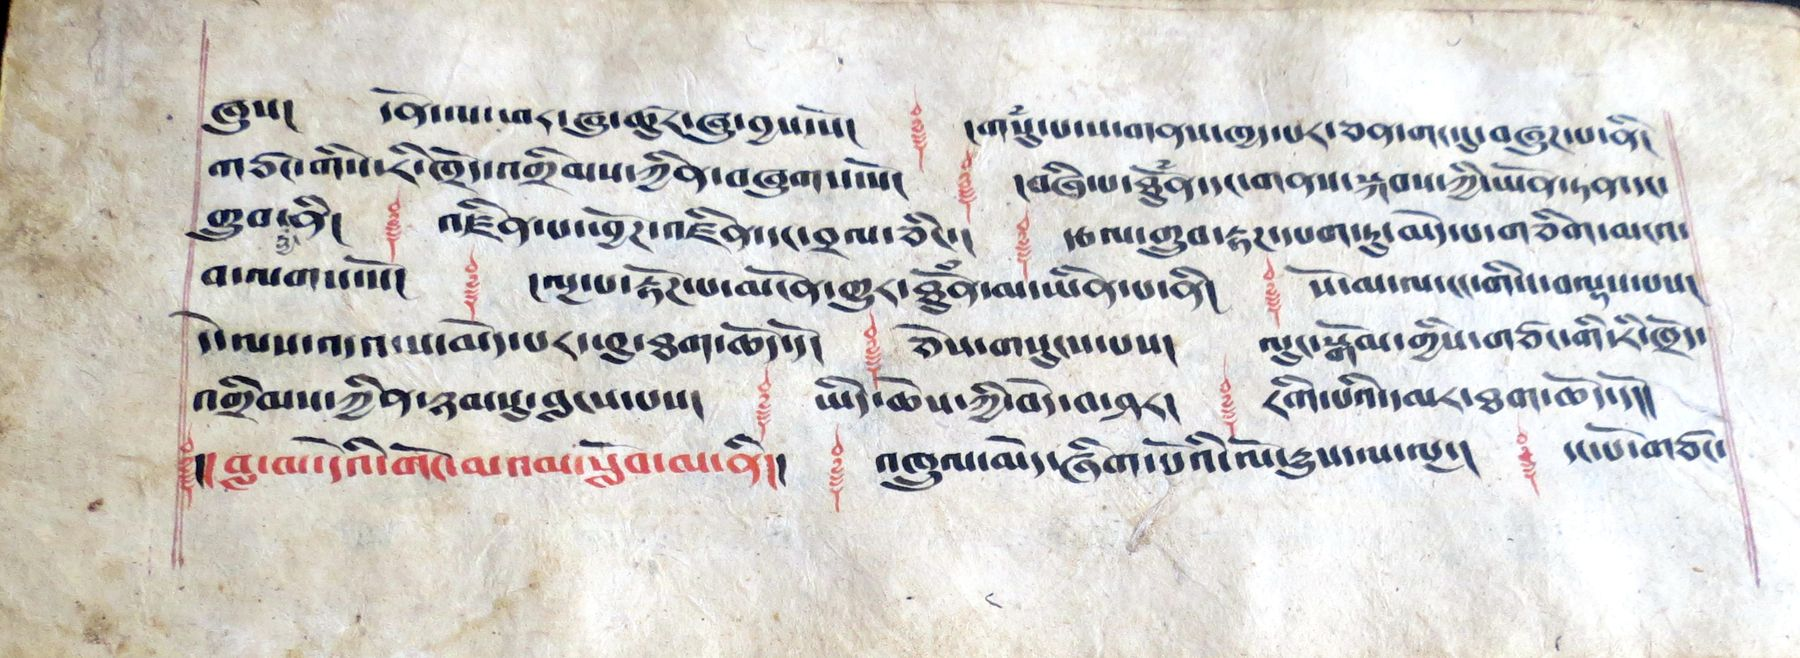ཞུས། དོན་ལ་ཕར་ཞུ་ཚུར་ཞུ་བྱས་སོ། ། གསུམ་པ་ས་གནས་ཁྱད་པར་ཅན་གང་དུ་བཞུགས་པ་ནི། 
གཙང་གི་རི་ཁྲོད་འགྲིམས་ཀྱིན་བཞུགས་སོ། ། བཞི་པ་ཐུན་མོང་དང་གནས་སྐབས་ཀྱི་ཡོན་ཏན་དང་
གྲུབ་ནི། འཛིན་པ་ཕྱོགས་འཛིན་དང་བྲལ་ཅིང་། རྩལ་གྲུབ་རྟགས་དཔག་ཏུ་མེད་པ་ཞིག་མངའ་
བ་ལགས་སོ། ། ལྔ་པ་རྟོགས་པ་མངོན་གྱུར་ཐུན་མོང་མ་ཡིན་པ་ནི། སོ་མ་ལ་ངང་གིས་བལྟས་པས། 
དེ་ལས་འདས་ས་མེད་པས་ཕུ་ཐག་ཆོད་དོ། ། ཞེས་གསུངས་པས། ལུང་སྒོམ་གྱིས་གཙང་གི་རི་ཁྲོད་
འགྲིམས་ཀྱིན་ཉམས་སུ་བླངས་པས། ཡིད་ཆེས་ཀྱི་བདེ་བ་ཤར། རིག་པའི་དམར་ཐག་ཆོད་དོ། ། 
བླ་མ་དེའི་གོང་མ་འམ་སློབ་མ་ནི། འཁྲུལ་མེད་ཞིག་པོའི་ལོ་རྒྱུས་ལ་ལྔ། དང་པོ་གཙང་